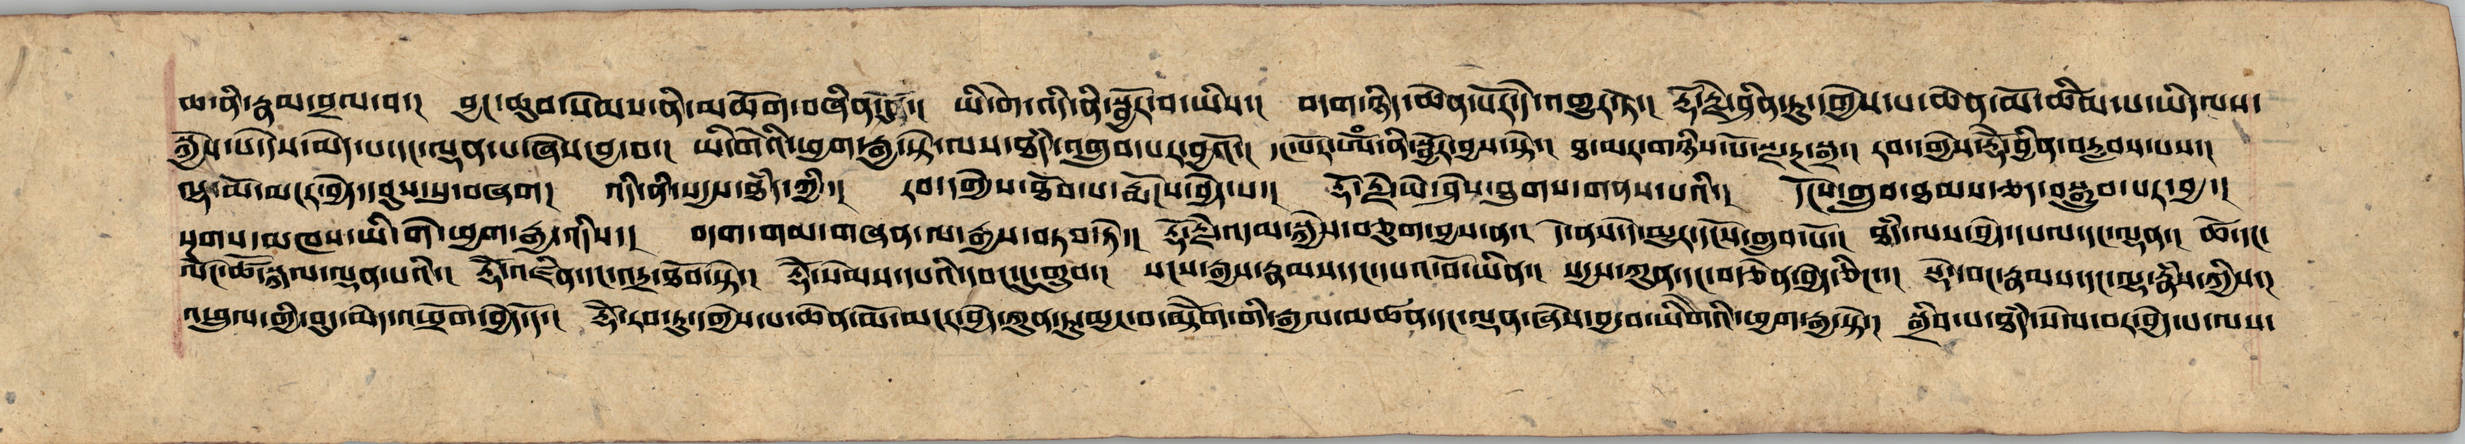ཆ་ནི་རྣམ་བྲལ་བ་། བྱང་ཆུབ་སེམས་ནི་མཆོག་བཞིན་དུ་། ཡི་གེ་འདི་ནི་སྦྱོར་བ་ཡིས་། བདག་ཉིད་ཆེན་པོར་དེ་འགྱུར་ཏེ་། རྡོ་རྗེ་ཤིན་ཏུ་དགྱེས་པ་ཆེན་མོ་ཚིམ་པ་ཡིད་ལས་
སྐྱེས་པ་དེས་མེད་པ་དང་ལྡན་པ་ཞེས་བྱ་བ་། ཡི་གེའི་ཕྱག་རྒྱ་སྟེ་ལས་ཐདཾ་འགྲུབ་པར་བྱའོ་། དང་པོར་ཨོཾ་ནི་སྦྱོར་བྱས་སྟེ་། ཐ་མར་གཉིས་པོ་སྫ་རྔ་སྒྲ་། རབ་དགྱེས་རྡོེ་བྱིན་བརླབས་པས་།
ལྷ་མོ་མངར་བྱེད་དབུས་སུ་བཞག། འདི་ནི་སདྱས་ཐདཾ་ཀྱི་། རབ་དགྱེས་ཐོབ་པ་རྨོངས་བྱེད་པ་། རྡོ་རྗེ་ཡེ་ཤེས་ཐུགས་གནས་པའི་། དངོས་གྲུབ་ཐམས་ཅད་བསྒྲུབ་པར་བྱ་།
སྔགས་མཁས་ཡི་གེ་ཕྱག་རྒྱ་འདིས་། བདག་གམ་གཞན་ལ་རྒྱས་བཏབ་ཏེ་། རྡོ་རྗེ་འདམ་སྐྱེས་བཅུག་བྱས་ན་། དེ་ནས་དེ་མྱུར་དངོས་གྲུབ་པོ་། ཐདཾ་ལས་བྱེད་དཔལ་དང་ལྡན་། ཚེ་དང་
ལོང་ཚོ་སྐལ་ལྡན་པའི་། རྡོེ་འཛིན་དང་འདྲ་ཐོབ་སྟེ་། རྡོེ་སེམས་དཔའི་དབང་དུ་གྲུབ་། སངས་རྒྱས་རྣམས་དང་དཔའ་བོ་ཡིན་། སདྱས་ཀུན་དང་བརྩེན་བྱེད་ཅིང་་། སྡེ་དབང་རྣམས་དང་ལྷ་རྣཾས་ཀྱིས་།
འཕྲུལ་གྱི་བུད་མེད་འཕྲོག་བྱེད་དོ་། རྡོེ་རབ་ཏུ་དགྱེས་པ་ཆེན་མོ་མངར་བྱེད་ཀུན་ཏུ་མྱང་བ་མྟེོག་གི་རྒྱལ་མཚན་ལྡན་ཞེས་བྱ་བ་ཡིགེའི་ཕྱག་རྒྱ་སྟེ་། སྒྲིབ་པ་ཐདཾ་སེལ་བར་བྱེད་པ་ལས་